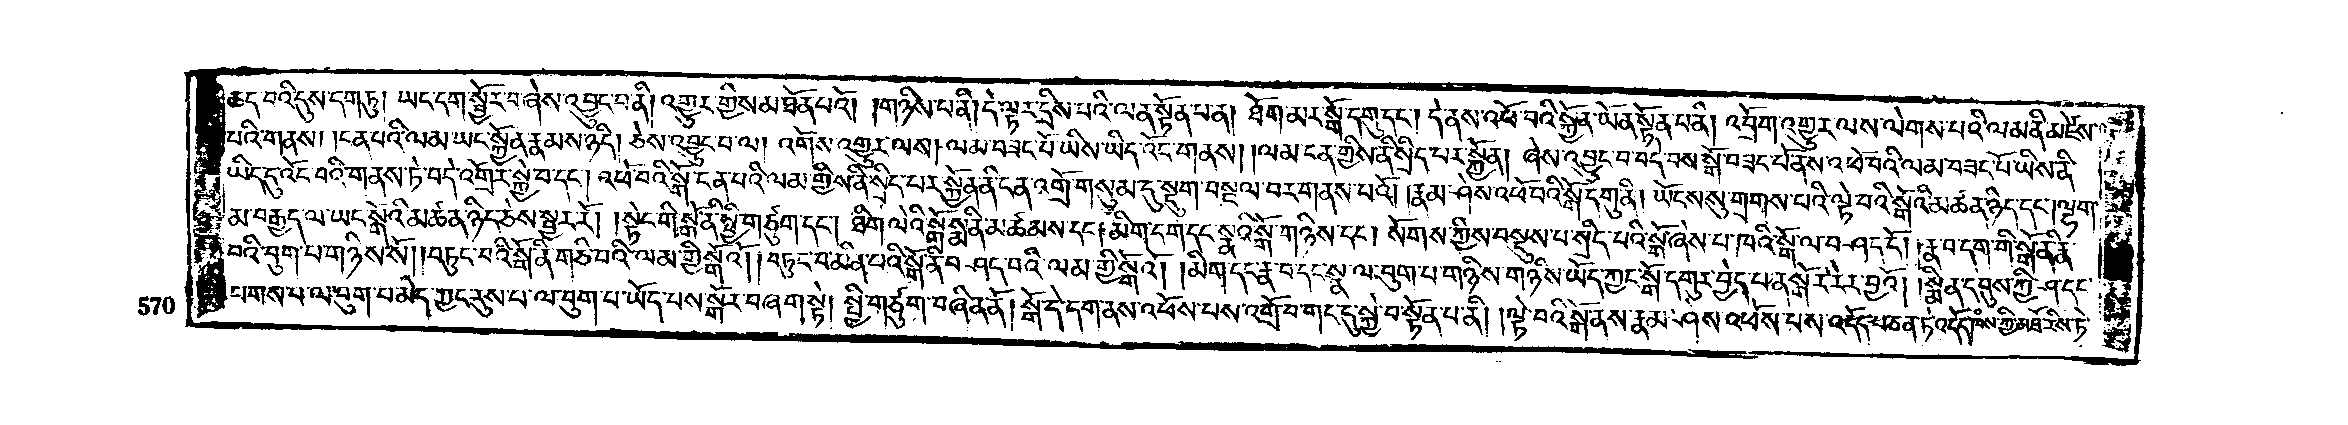ཆད་པའི་དུས་དག་ཏུ། ཡང་དག་སྦྱོར་བ་ཞེས་འབྱུང་བ་ནི། འགྱུར་གྱིས་མ་ཐོན་པའོ། །གཉིས་པ་ནི། དེ་ལྟར་དྲིས་པའི་ལན་སྟོན་པ་ན། ཐོག་མར་སྒོ་དགུ་དང་། དེ་ནས་འཕོ་བའི་སྐྱོན་ཡོན་སྟོན་པ་ནི། འབྲོག་འགྱུར་ལས་ལེགས་པའི་ལམ་ནི་མཛེས་
པའི་གནས། །ངན་པའི་ལམ་ཡང་སྐྱོན་རྣམས་ཉིད། ཅེས་འབྱུང་བ་ལ། འགོས་འགྱུར་ལས། ལམ་བཟང་པོ་ཡིས་ཡིད་འོང་གནས། །ལམ་ངན་གྱིས་ནི་སྲིད་པར་སྐྱོན། ཞེས་འབྱུང་བ་བདེ་བས་སྒོ་བཟང་པོ་ནས་འཕོ་བའི་ལམ་བཟང་པོ་ཡིས་ནི་
ཡིད་དུ་འོང་བའི་གནས་ཏེ་བདེ་འགྲོར་སྐྱེ་བ་དང་། འཕོ་བའི་སྒོ་ངན་པའི་ལམ་གྱིས་ནི་སྲིད་པར་སྐྱོན་ནི་ངན་འགྲོ་གསུམ་དུ་སྡུག་བསྔལ་བར་གནས་པའོ། །རྣམ་ཤེས་འཕོ་བའི་སྒོ་དགུ་ནི། ཡོངས་སུ་གྲགས་པའི་ལྟེ་བའི་སྒོའི་མཚན་ཉིད་དང་། ལྷག་
མ་བརྒྱད་ལ་ཡང་སྒོའི་མཚན་ཉིད་ཅེས་སྦྱར་རོ། །སྟེང་གི་སྒོ་ནི་སྤྱི་གཙུག་དང་། ཐིག་ལེའི་སྒོ་སྨིན་མཚམས་དང་། མིག་དག་དང་སྣའི་སྒོ་གཉིས་དང་། སོགས་ཀྱིས་བསྡུས་པ་སྲིད་པའི་སྒོ་ཞེས་པ་ཁའི་སྒོ་ལ་བཤད་དོ། །རྣ་བ་དག་གི་སྒོ་ནི་རྣ་
བའི་བུག་པ་གཉིས་སོ། །བཏུང་བའི་སྒོ་ནི་གཅི་བའི་ལམ་གྱི་སྒོའོ། །བཏུང་བ་མིན་པའི་སྒོ་ནི་བཤད་པའི་ལམ་གྱི་སྒོའོ། །མིག་དང་རྣ་བ་དང་སྣ་ལ་བུག་པ་གཉིས་གཉིས་ཡོད་ཀྱང་སྒོ་དགུར་བྱེད་པ་ན་སྒོ་རེ་རེར་བྱའོ། །སྨིན་དབུས་ཀྱི་ཤ་དང་
པགས་པ་ལ་བུག་པ་མེད་ཀྱང་རུས་པ་ལ་བུག་པ་ཡོད་པས་སྒོར་བཞག་སྟེ། སྤྱི་གཙུག་བཞིན་ནོ། སྒོ་དེ་དག་ནས་འཕོས་པས་འགྲོ་བ་གང་དུ་སྐྱེ་བ་སྟོན་པ་ནི། །ལྟེ་བའི་སྒོ་ནས་རྣམ་ཤེས་འཕོས་པས་འདོད་པ་ཅན་ཏེ་འདོད་ཁམས་ཀྱི་མཐོ་རིས་ཏེ་